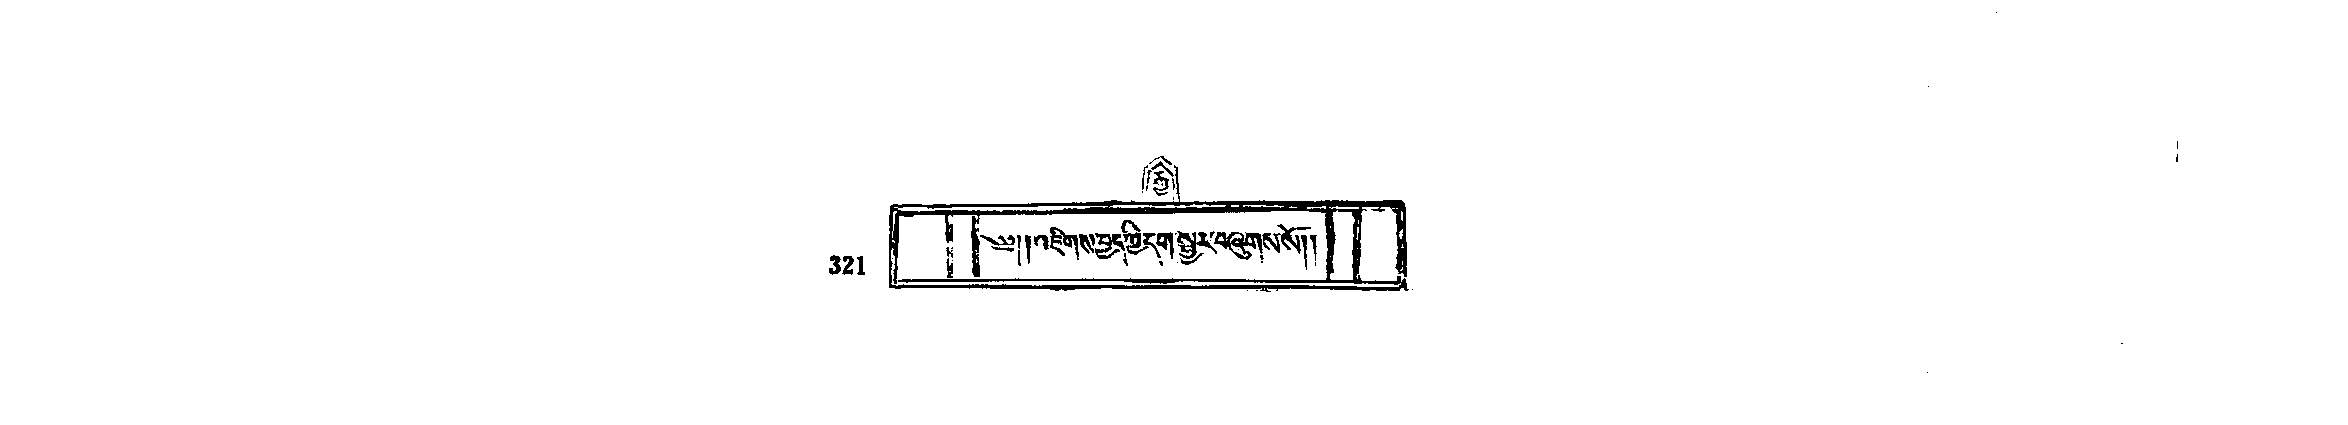༄༅། །འཇིགས་བྱེད་ཀྱི་དག་སྦྱར་བཞུགས་སོ། །